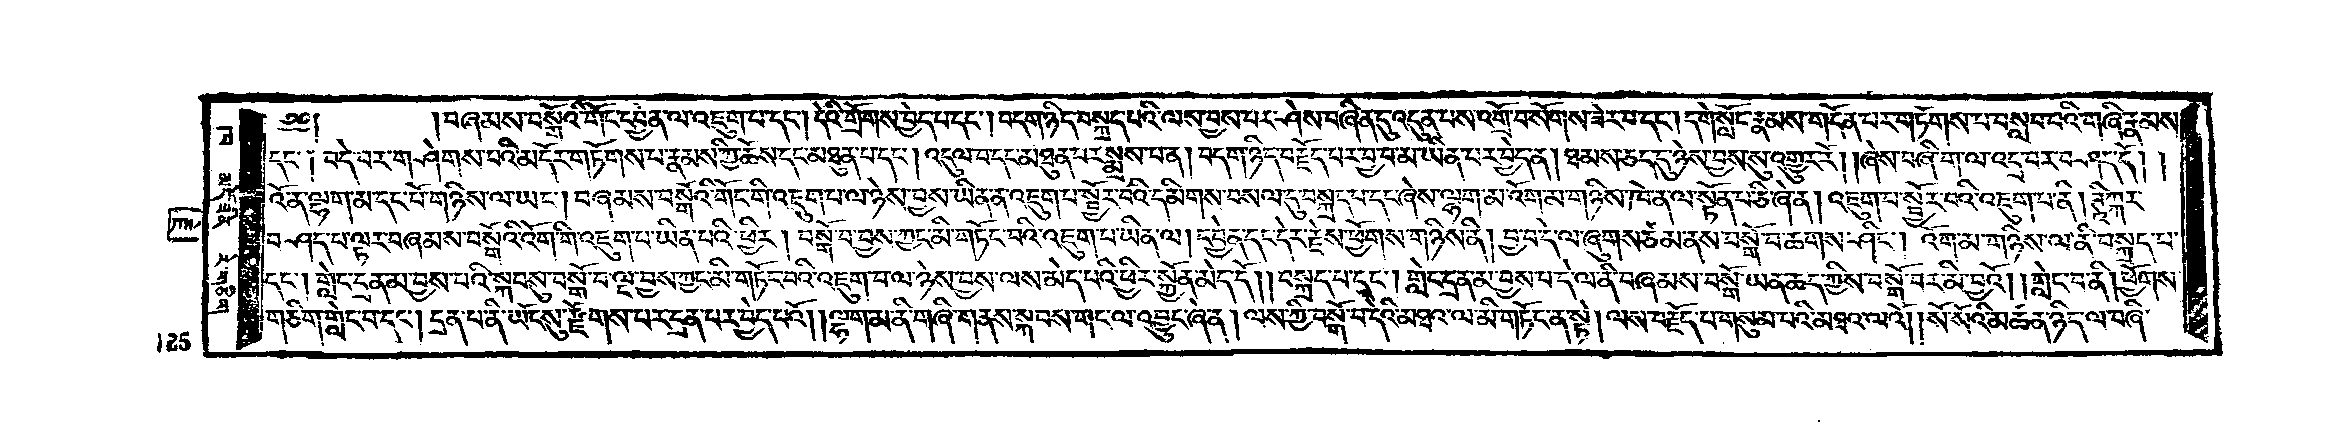༄༅།།བཞམས་བསྒོའི་གོང་དབྱེན་ལ་འཇུག་པ་དང་། དེའི་གྲོགས་བྱེད་པ་དང་། བདག་ཉིད་བསྐྲད་པའི་ལས་བྱས་པར་ཤེས་བཞིན་དུ་འདུན་པས་འགྲོ་བ་སོགས་ཟེར་བ་དང་། དགེ་སློང་རྣམས་གདོན་པར་གཏོགས་པ་བསླབ་པའི་གཞི་རྣམས་
དང་། བདེ་བར་གཤེགས་པའི་མདོར་གཏོགས་པ་རྣམས་ཀྱི་ཆོས་དང་མཐུན་པ་དང་། འདུལ་བ་དང་མཐུན་པར་སྨྲས་པ་ན། བདག་ཉིད་བརྗོད་པར་བྱ་བ་མ་ཡིན་པར་བྱེད་ན། ཐམས་ཅད་དུ་ཉེས་བྱས་སུ་འགྱུར་རོ། །ཞེས་བཞི་ག་ལ་འདྲ་བར་བཤད་དོ། །
འོ་ན་ལྷག་མ་དང་པོ་གཉིས་ལ་ཡང་། བཞམས་བསྒོའི་གོང་གི་འཇུག་པ་ལ་ཉེས་བྱས་ཡིན་ན་འཇུག་པ་སྦྱོར་བའི་དམིགས་བསལ་དུ་བསྐྲད་པ་དང་ཞེས་ལྷག་མ་འོག་མ་གཉིས་ཁེ་ན་ལ་སྟོན་པ་ཅི་ཞེ་ན། འཇུག་པ་སྦྱོར་བའི་འཇུག་པ་ནི། ཊཱིཀྐར་
བཤད་པ་ལྟར་བཞམས་བསྒོའི་འོག་གི་འཇུག་པ་ཡིན་པའི་ཕྱིར། བསྒོ་བ་བྱས་ཀྱང་མི་གཏོང་བའི་འཇུག་པ་ཡིན་ལ། དབྱེན་དང་དེར་རྗེས་ཕྱོགས་གཉིས་ནི། བྱ་བ་དེ་ལ་ཞུགས་ཙམ་ནས་བསྒོ་བ་ཆགས་ཤིང་། འོག་མ་གཉིས་ལ་ནི་བསྐྲད་པ་
དང་། གླེང་དྲན་མ་བྱས་པའི་སྐབས་སུ་བསྒོ་བ་ལྔ་བྱས་ཀྱང་མི་གཏོང་བའི་འཇུག་པ་ལ་ཉེས་བྱས་ལས་མེད་པའི་ཕྱིར་སྐྱོན་མེད་དོ། །བསྐྲད་པ་དང་། གླེང་དྲན་མ་བྱས་པ་དེ་ལ་ནི་བཞམས་བསྒོ་ཡན་ཆད་ཀྱིས་བསྒོ་བར་མི་བྱའོ། །གླེང་བ་ནི། ཕྱོགས་
གཅིག་གླེང་བ་དང་། དྲན་པ་ནི་ཡོངས་སུ་རྫོགས་པར་དྲན་པར་བྱེད་པའོ། །ལྷག་མ་ནི་གཞི་གནས་སྐབས་གང་ལ་འབྱུང་ཞེ་ན། ལས་ཀྱི་བསྒོ་བ་དེའི་མཐའ་ལ་མི་གཏོང་ན་སྟེ། ལས་བརྗོད་པ་གསུམ་པའི་མཐའ་ལའོ། །སོ་སོའི་མཚན་ཉིད་ལ་བཞི་